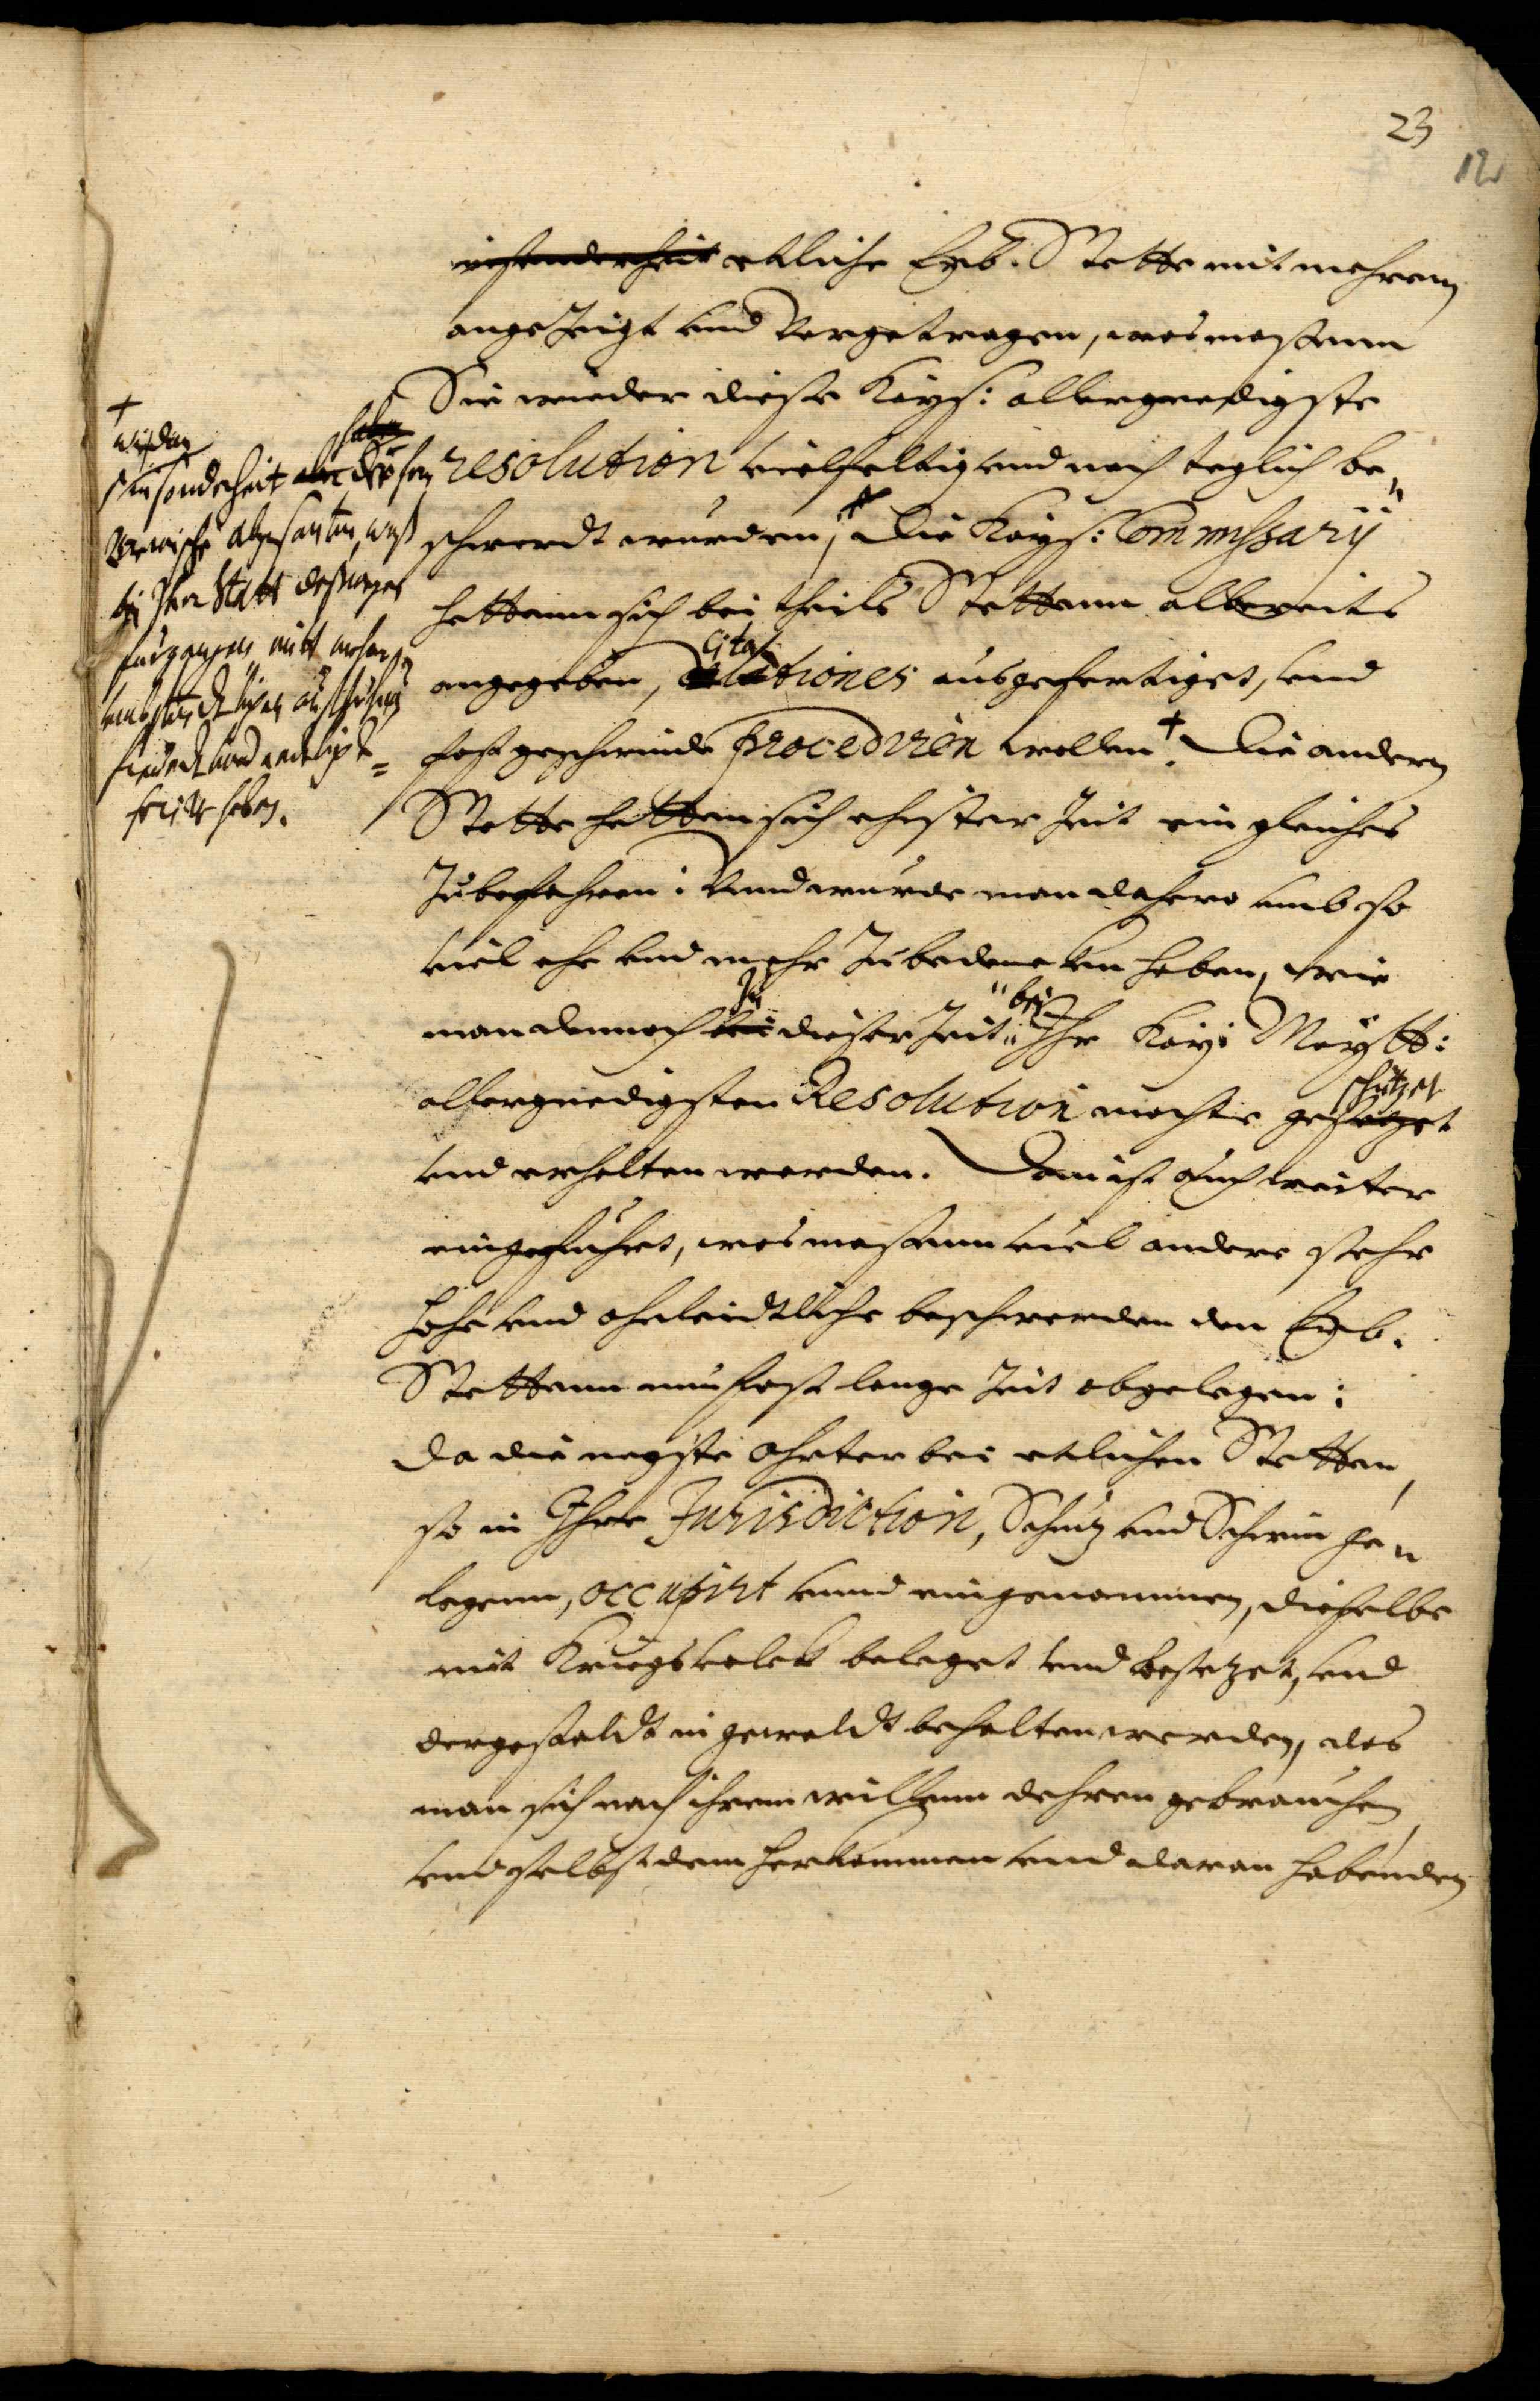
23
+
wie dan
haben
* insonderheit der dero hern
Bremische Abgesanten, waß
bei Ihrer Statt deßwegen
furgangen mitt mehrer
umbstendtlichen ausfuhrugen
freundt vnd endtlich de¬
serirt haben.
in sonderheit etliche Erb. Stette mit mehrem
angezeigt vnd Vorgetragen, was maßenn
Sie wieder diese Kaijs: allergnedigste
resolution vielfeltig und noch teglich be¬
schwerdt wurden, * die Kaijs: Commissarij
hettenn sich bei theils Stettenn albereits
Cita
angegeben, detationes ausgefertiget,vnd
fast geschwinde procediren wollen +. Die andern
Stette hetten sich ehister zeit ein gleiches
zu befahren: Vnd wurde man dahero vmb so
viel ehe vnd mehr zu bedencken haben, wie
Zu
* bei
man dennoch bei dieser Zeit * Ihr Kaij: Maijtt:
schutzet
allergnedigsten Resolution mochte gesetzet
vnd erhalten werden. Dan ist auch weiter
eingeführt, was maßen viel andere sehr
hohe vnd ohnleidtliche beschwerden den Erb.
Stettenn nun fast lange Zeit obgelegen:
da die negste ohrter bei etlichen Stetten,
so in Ihre Jurisdiction, Schutz vnd Schirm ge¬
legenn, occupirt vnnd eingenommen,dieselbe
mit Kriegsvolck beleget vnd besetzet, vnd
dergestaldt in gewaldt behalten werden, das
man sich nach ihrem willenn dehren gebrauchen,
vnd selbst dem herkommen vnd daran habenden
